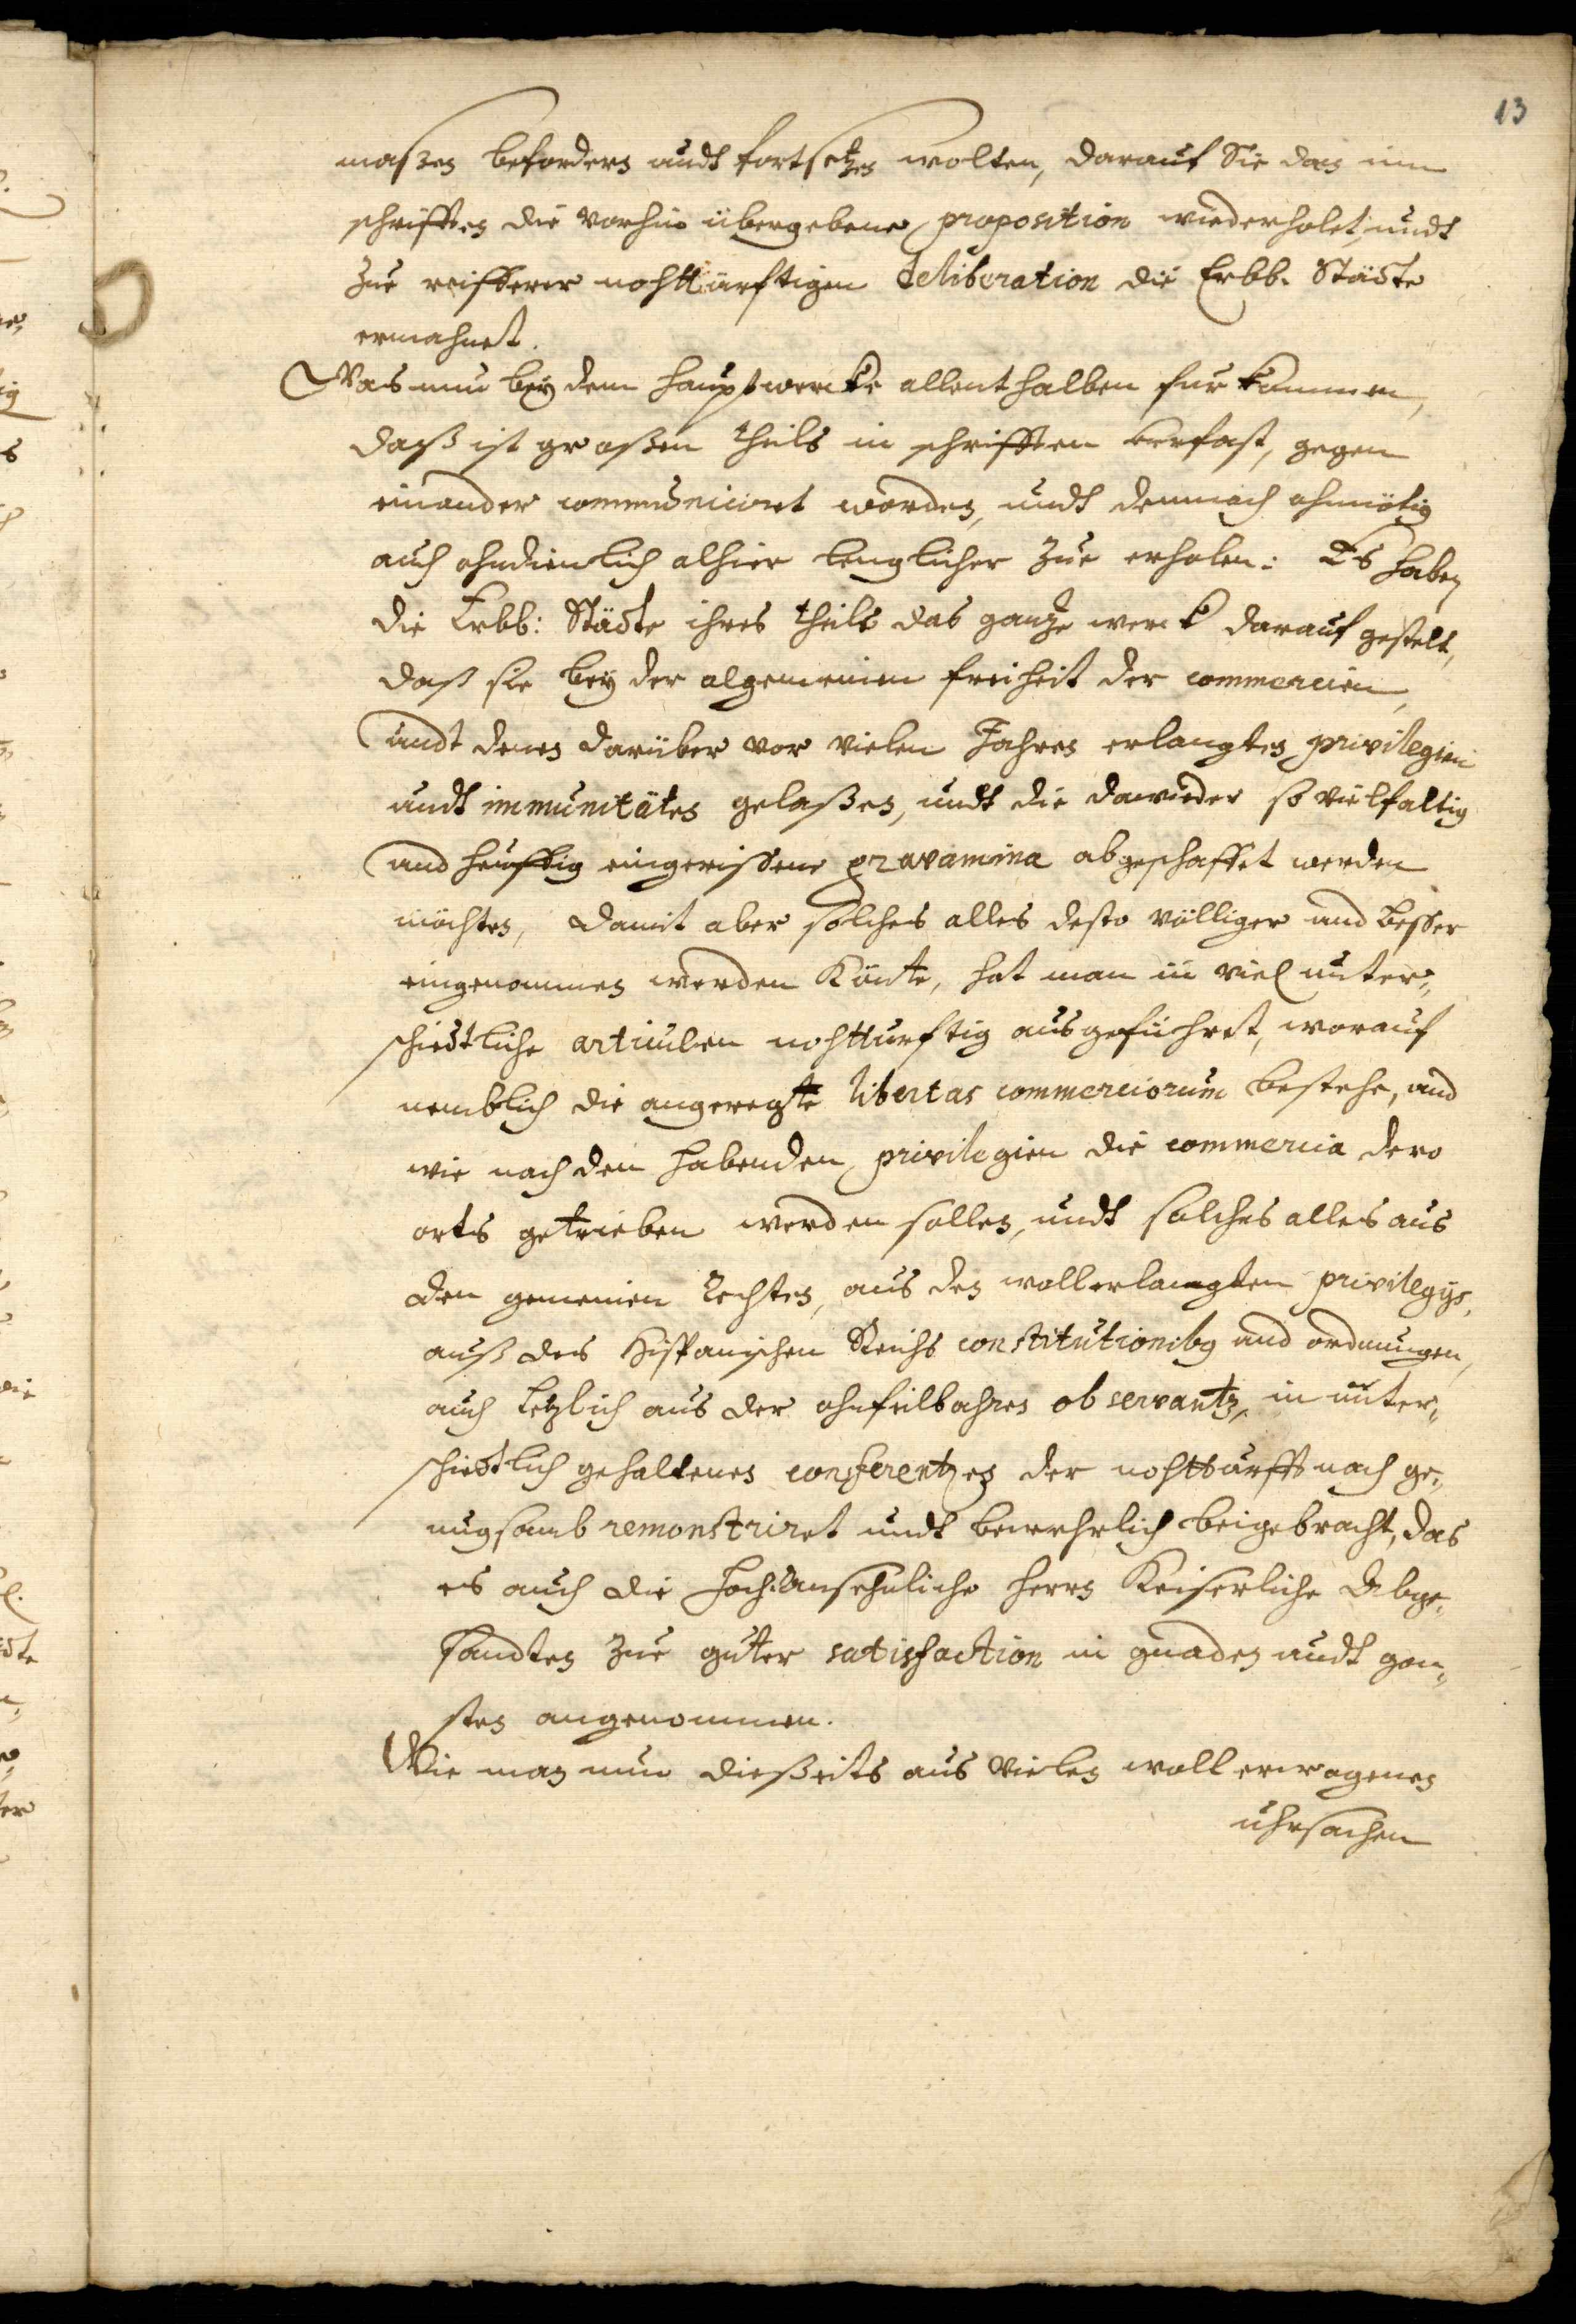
13
maßen befordern undt fortsetzen wolten, darauf Sie dan inn
schrifften die vorhin übergebene proposition wiederholet, undt
zue reifferer nohttürftigen deliberation die Erbb: Städte
ermahnet.
Was nun beij dem hauptwercke allenthalben furkommen,
daß ist großen theils in schrifften verfast, gegen
einander communiciret worden, undt demnach ohnnötig
auch ohndienlich alhier lenglicher zue erholen. Es haben
die Erbb: Städte ihres theils das gantze werck darauf gestelt,
daß sie beij der algemeinen freiheit der commercien,
undt denen darüber vor vielen Jahren erlangten privilegien
undt immunitäten gelaßen, undt die dawieder so vielfaltig
und heuffig eingerissene gravamina abgeschaffet werden
möchten, Damit aber solches alles desto Völliger und besser
eingenommen werden könte, hat man in viel unter¬
schiedtliche articulen nohtturftig ausgeführet, worauf
nemblich die angeregte libertas commerciorum bestehe, und
wie nach den habenden privilegien die commercia dero
orts getrieben werden sollen, undt solches alles aus
den gemeinen Rechten, aus den wollerlangten privilegijs,
auß des Hispanischen Reichs constitutionibus und ordnungen
auch letzlich aus der ohnfeilbahren observantz, in unter¬
schiedtlich gehaltenen conferentzen der notturfft nach ge¬
nugsamb remonstriret undt bewehrlich beigebracht, das
es auch die hochansehnliche herrn Keiserliche Abge¬
sandten zue guter satisfaction in gnaden undt gon¬
sten angenommen.
Wie man nun dießeits aus Vielen woll erwogenen
uhrsachen
